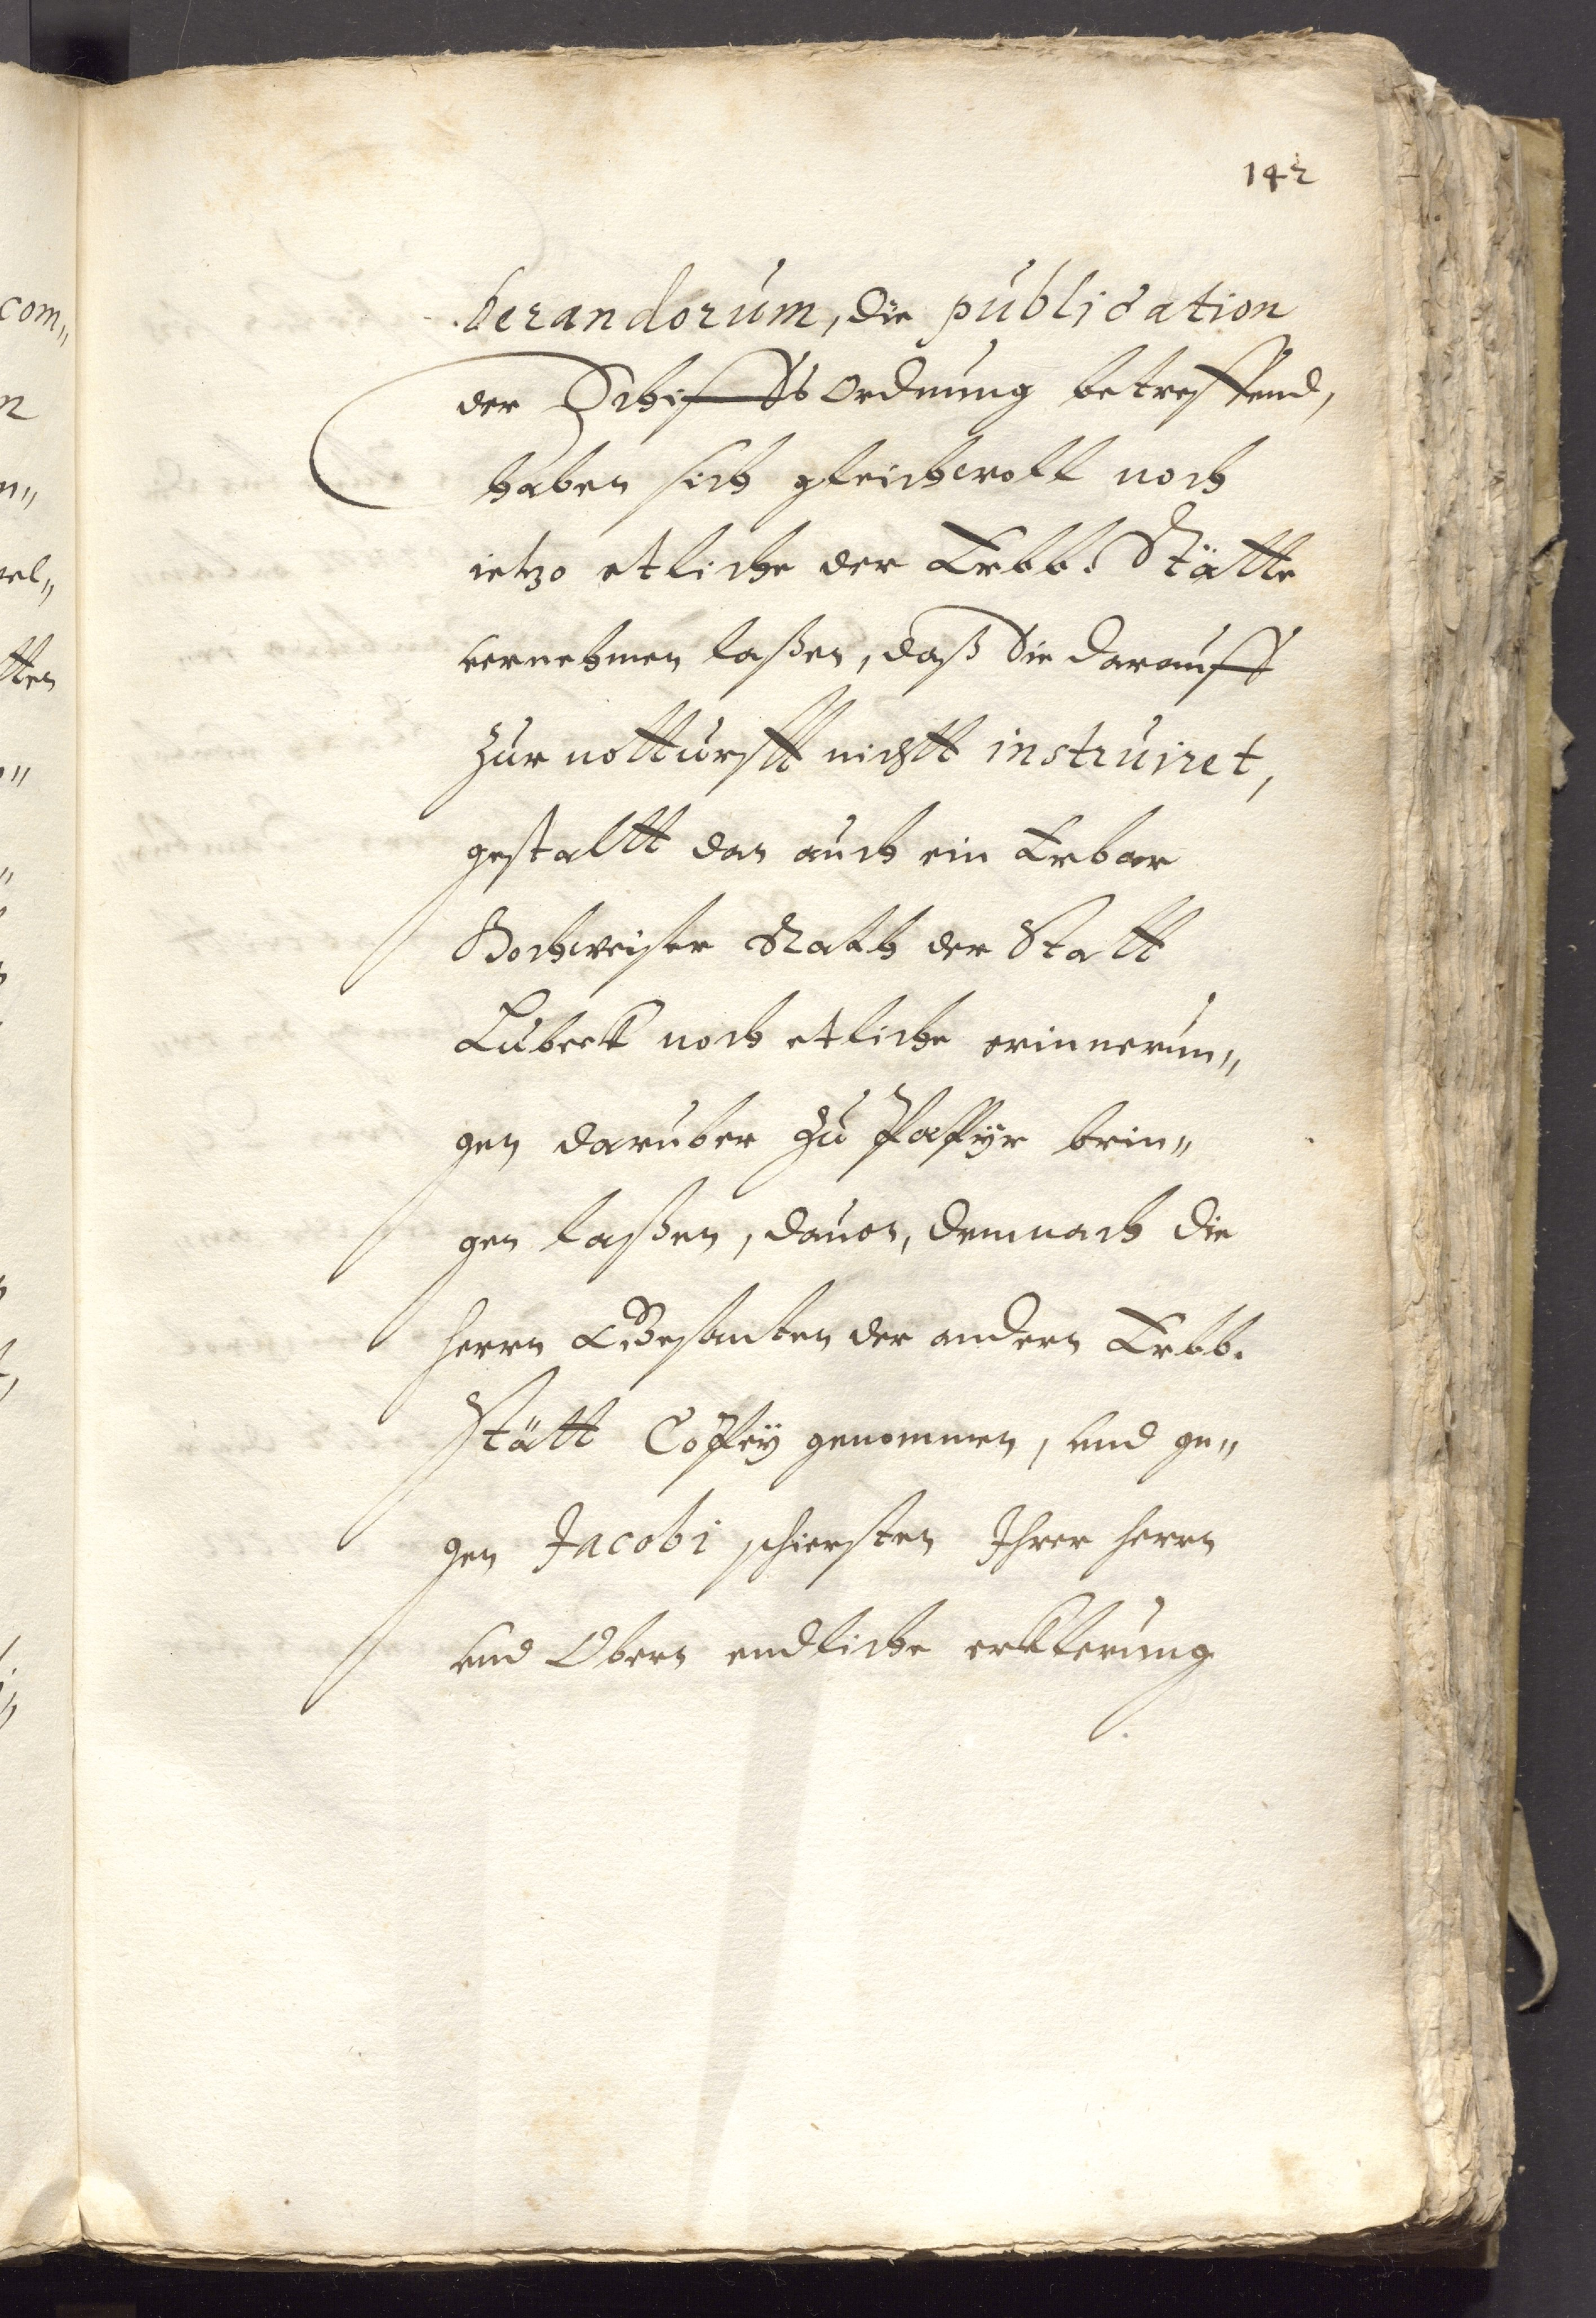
142
berandorum, die publication
der Schiffs ordnung betreffend,
haben sich gleichwoll noch
ietzo etliche der Erbb. Stätte
vernehmen laßen, daß Sie darauff
zur notturft nichtt instruiret,
gestaltt dan auch ein Erbar
Hochweiser Rath der Statt
Lubeck noch etliche erinnerun¬
gen daruber zu Papijr brin¬
gen laßen, dauon, demnach die
herrn Gesanten der andern Erbb.
Stätt Copeij genommen, vnd ge¬
gen Jacobi schiersten Jhrer herrn
vnd Obern endliche erklerung
